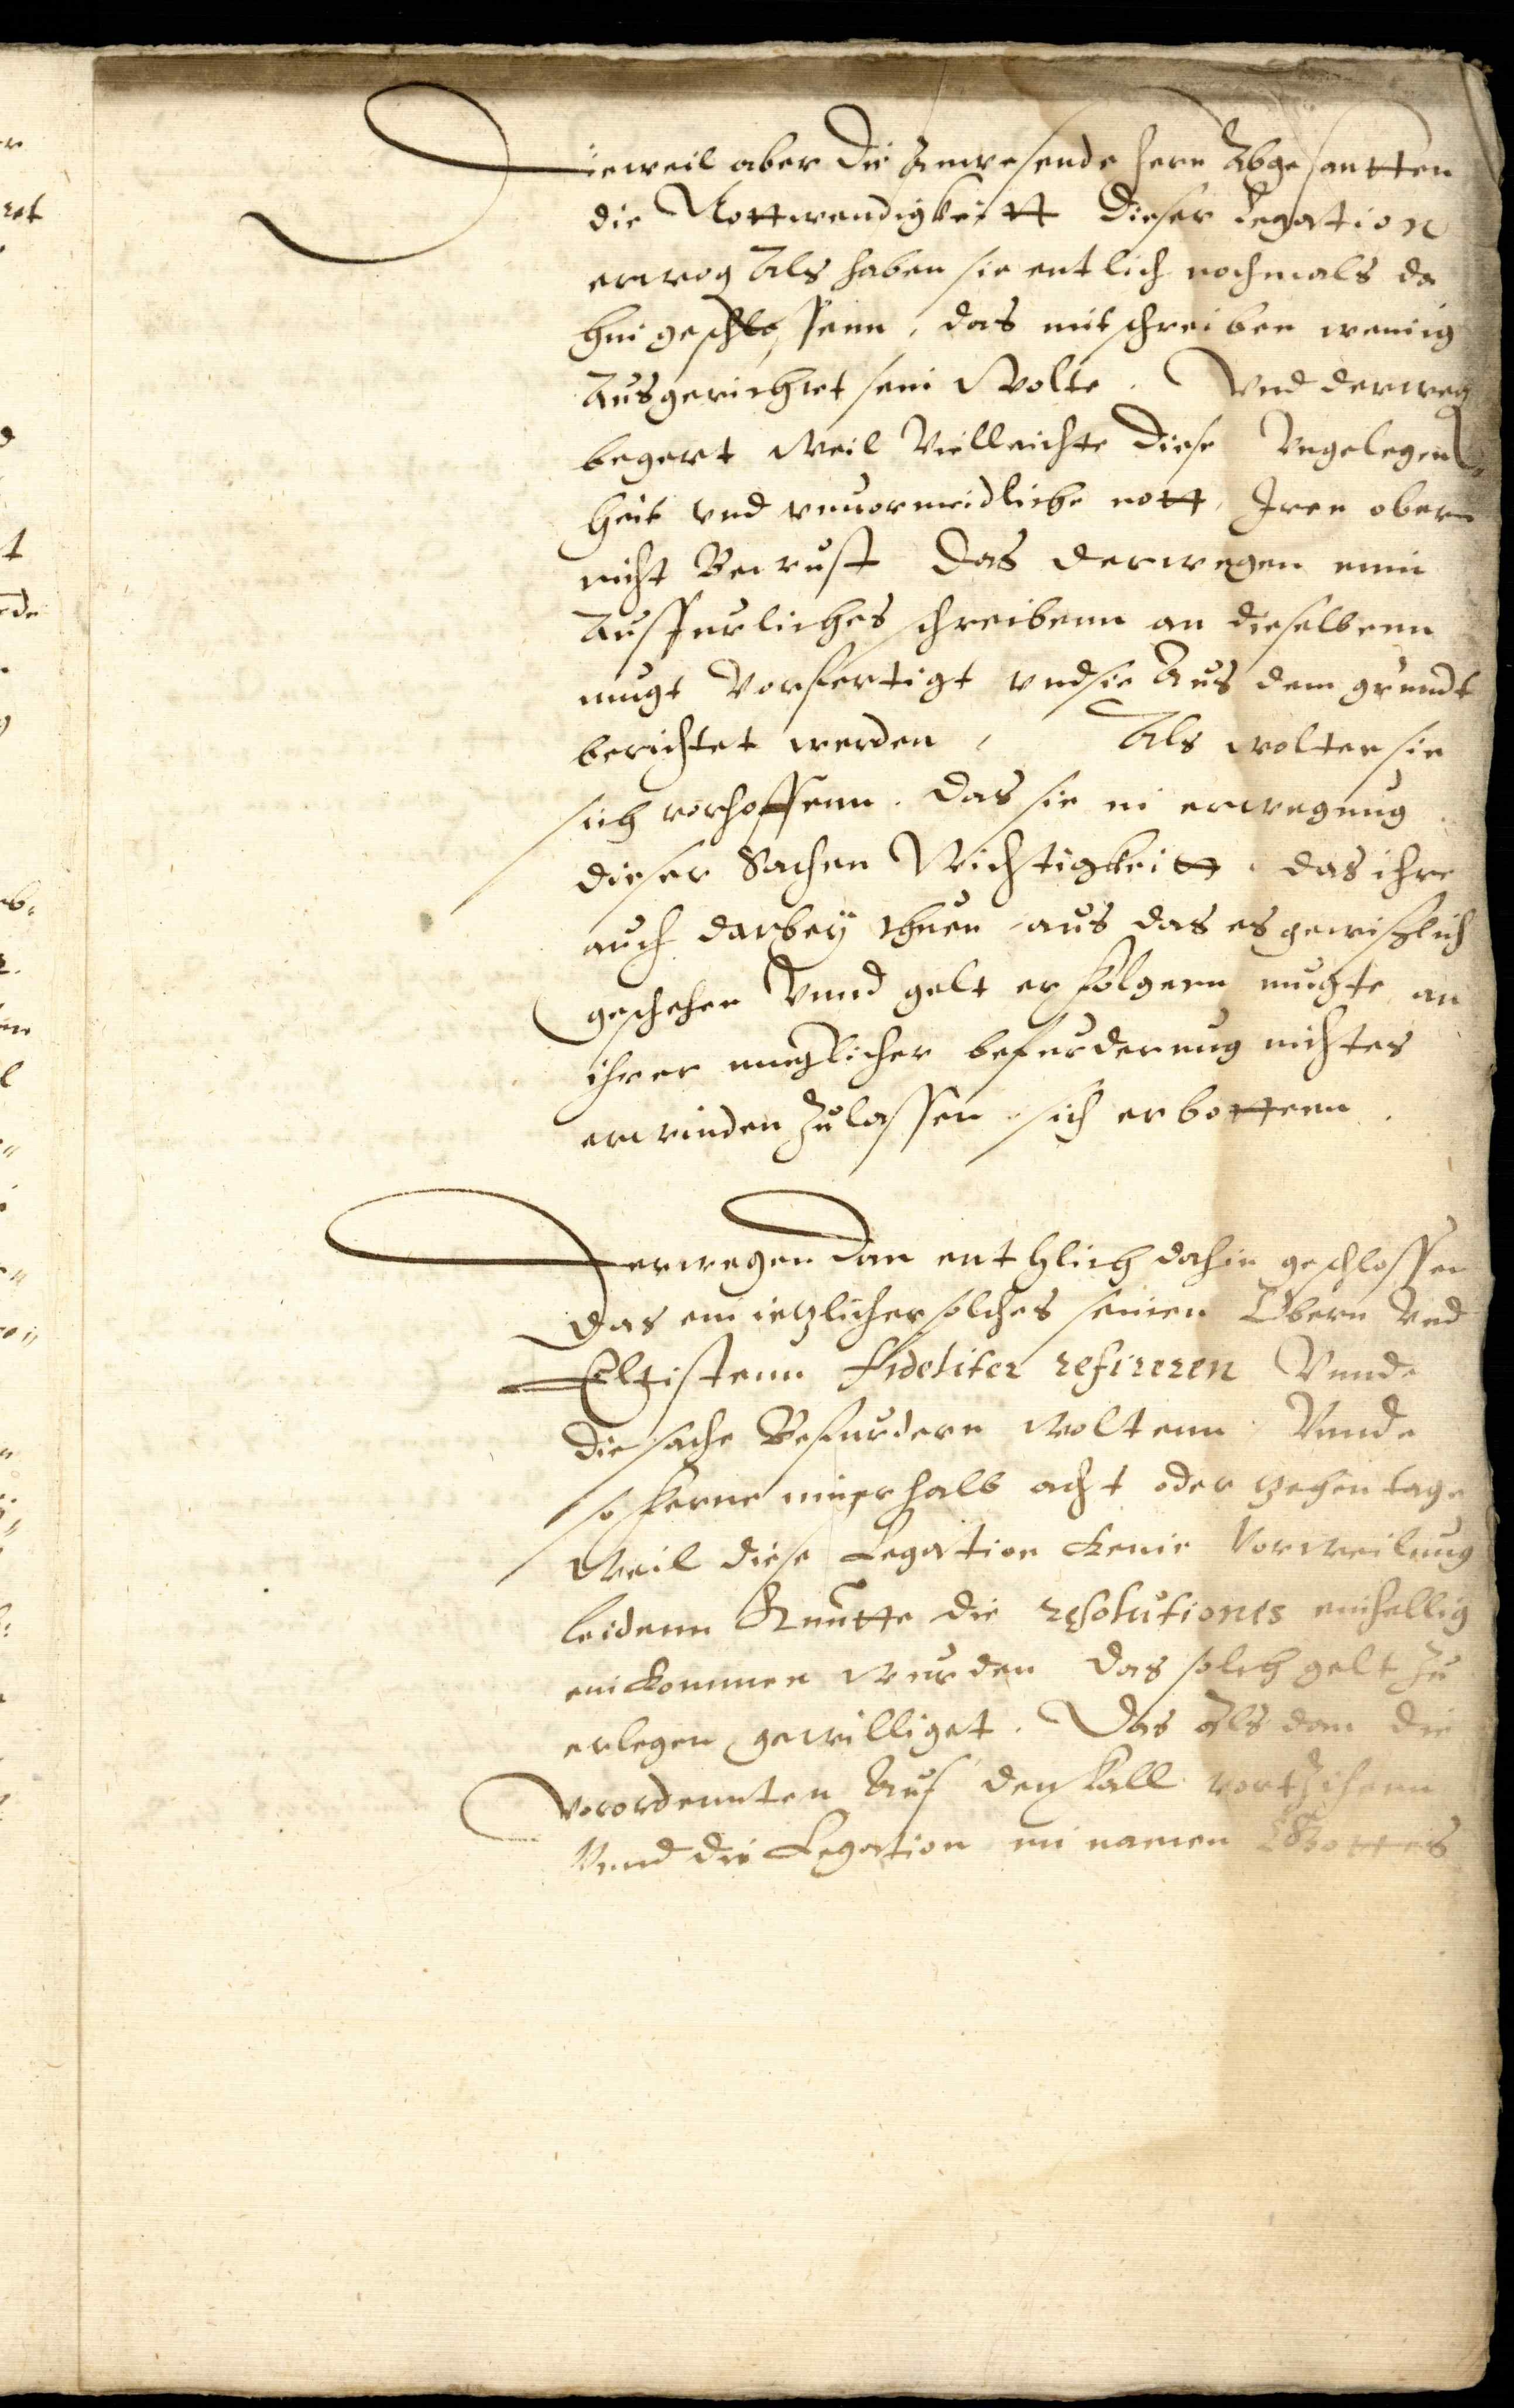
Dieweil aber die Anwesende hern Abgesantten
die Nottwendigkeitt dieser Legation
erwogen Als haben sie entlich nochmals da
Hin geschlossenn, das mit schreiben weinig
Ausgerichtet sein Wolte, Vnd derwegen
begert weil vielleichte diese Vngelegen¬
heit vnd vnuormeidliche nott Iren obern
nicht Bewust das derwegen einn
Ausfurliches schreibenn an dieselbenn
mugt Vorfertigt vnd sie Aus dem grundt
berichtet werden, Als wolten sie
sich vorhoffen, das sie in erwegung
dieser Sachen Wichtigkeitt, das ihre
auch darbeij thuen, aus das es gewißlich
geschehen Vnnd gelt erfolgenn mugte an
ihrer muglicher befurderung nichtes
erwinden zulassen sich erbottenn.
Derwegen Dan enthlich dahin geschlossen
das ein ietzlicher solches seinen Obern vnd
Eltistenn fideliter reficeren Vnnde
die sache Befurdern woltenn, Vnnde
so Ferne innerhalb acht oder tzehen tage
weil diese Legation keine Vorweilung
leidenn Kuntte die resolutiones einhellig
einkommen wurden das solch gelt zu
erlegen gewilliget, Das Als dan die
Vorordennten auf den Fall vortzihenn
Vnnd die Legation im namen Gottes
